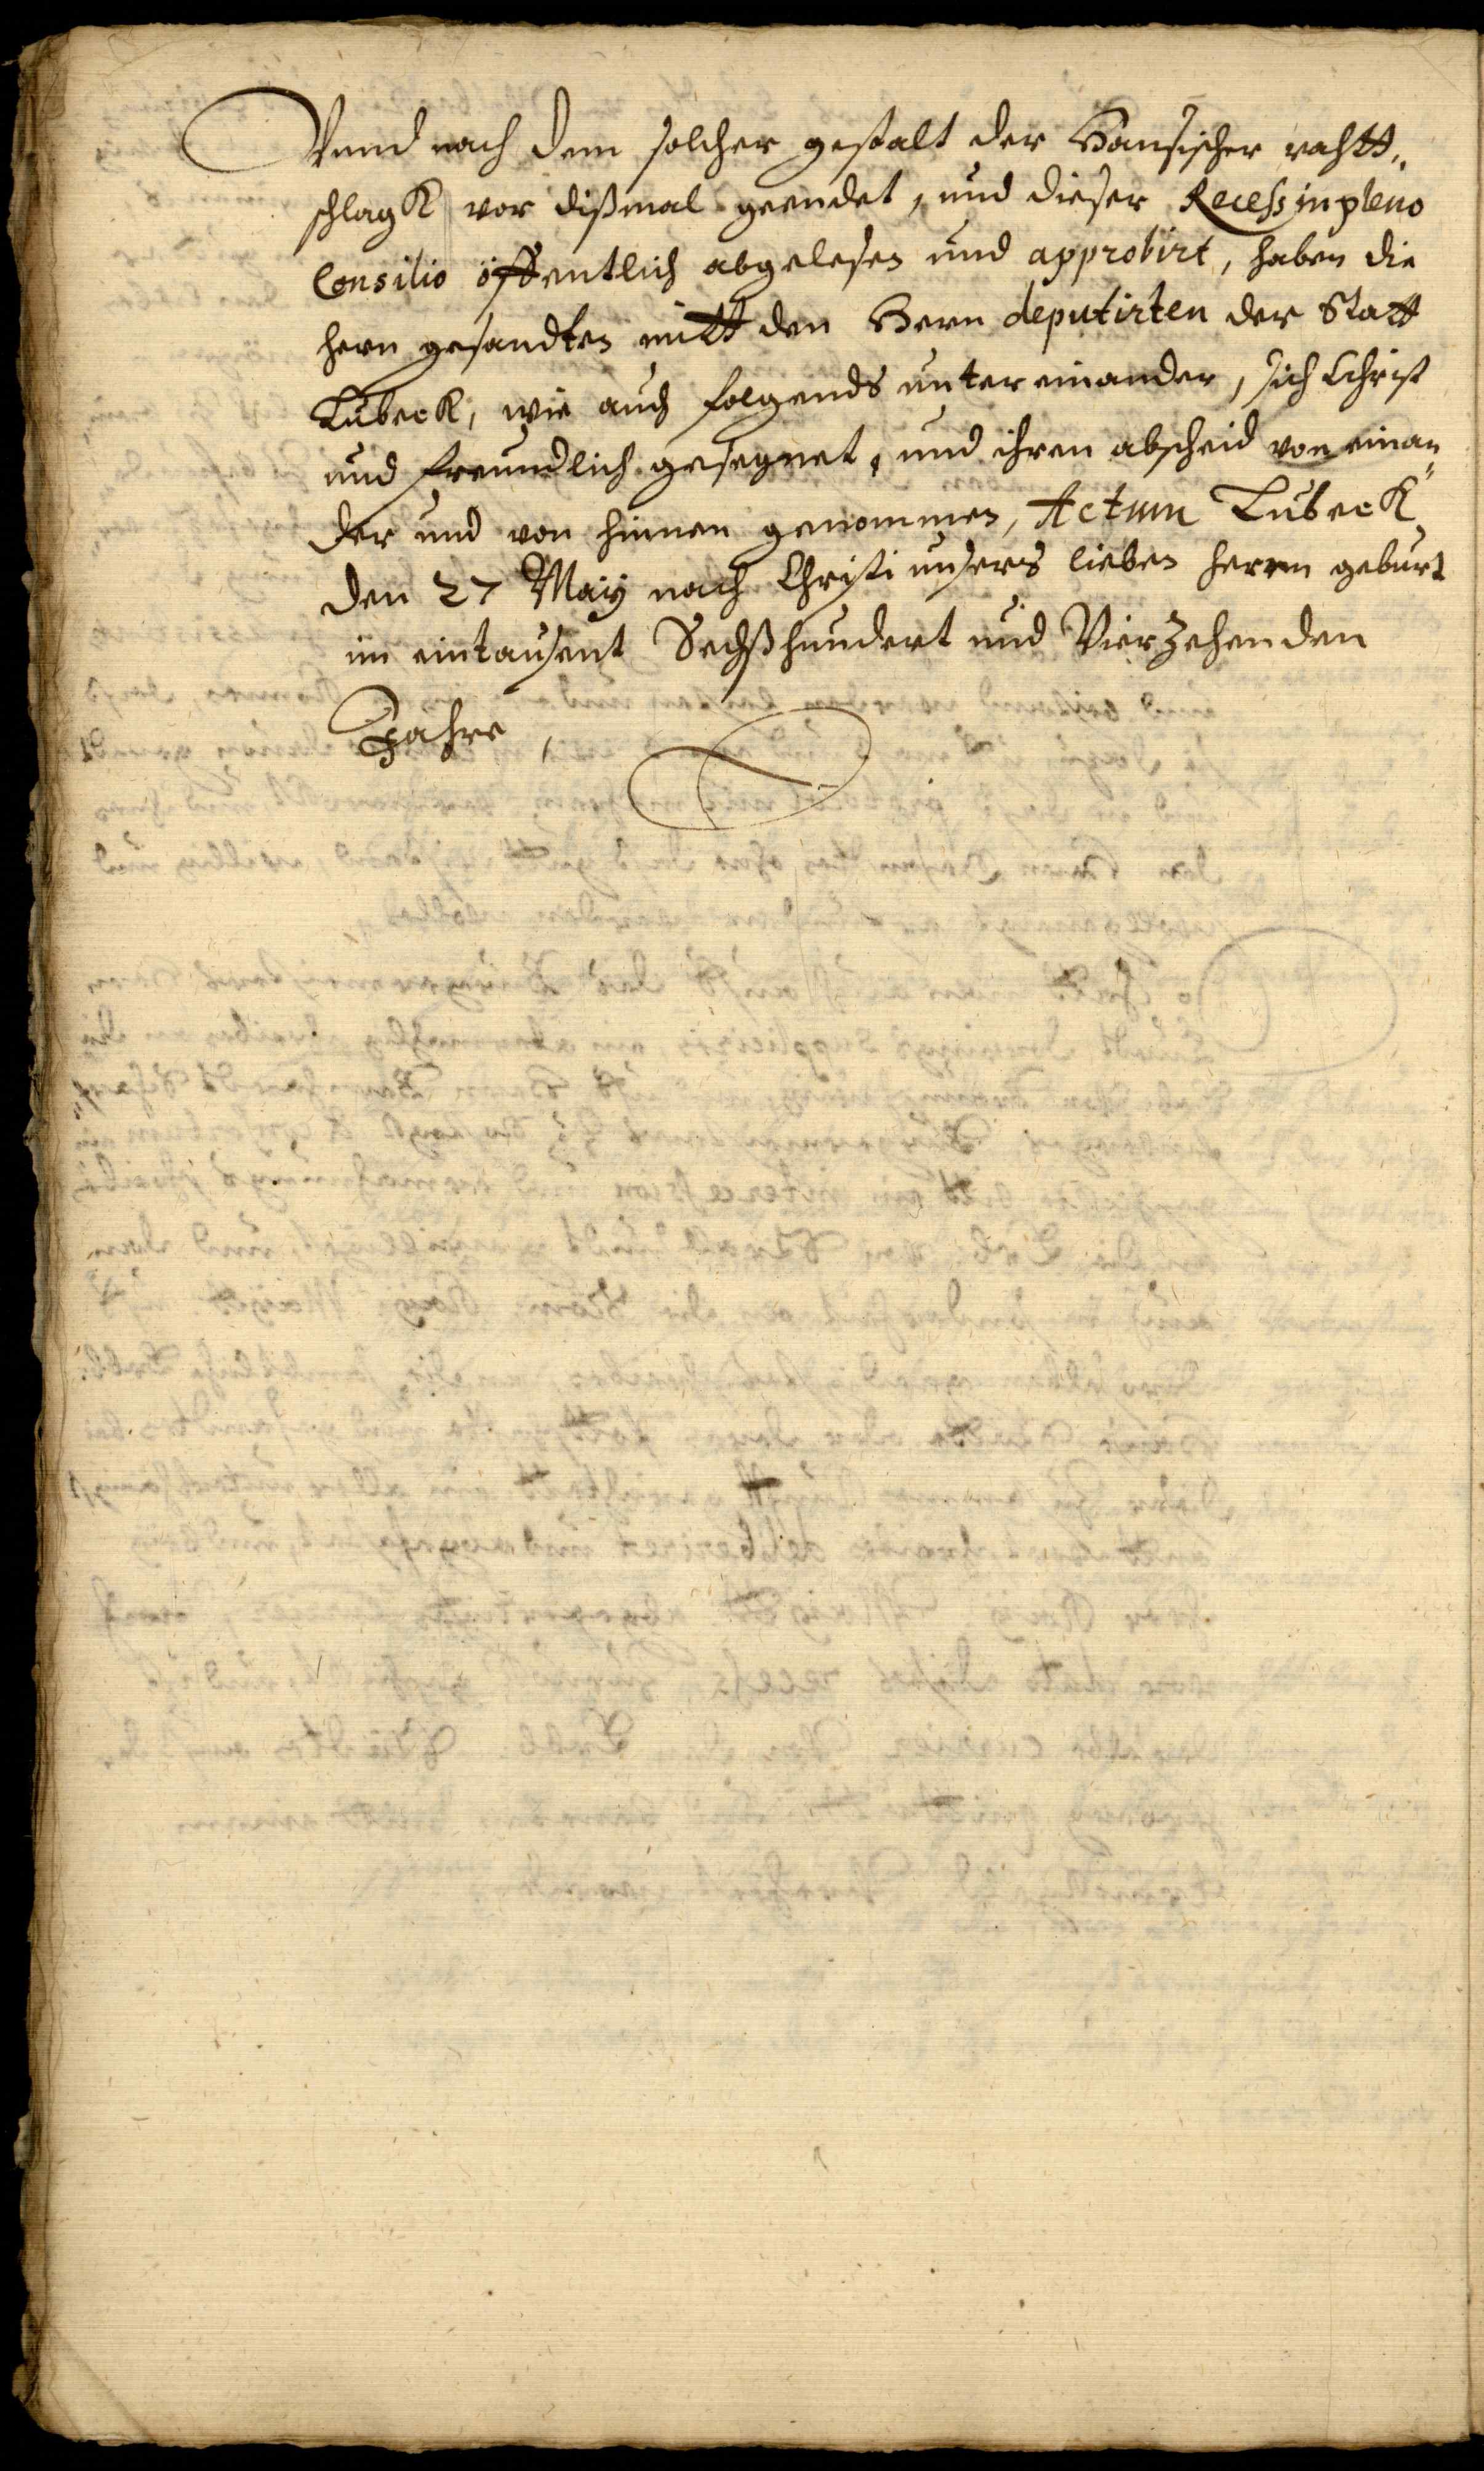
Vnnd nach dem solcher gestalt der Hansischer rahtt¬
schlagk vor dißmal geendet, und dieser Recess in pleno
Consilio öffentlich abgelesen und approbirt, haben die
hern gesandten mitt den Hern deputirten der Statt
Lubeck, wie auch folgends unter einander, sich Christ
und freundlich gesegnet, und ihren abscheid von einan¬
der und von hinnen genommen, Actum Lubeck
den 27 Maij nach Christi unsers lieben herrn geburt
im eintausent Sechßhundert und vierzehenden
Jahre,
